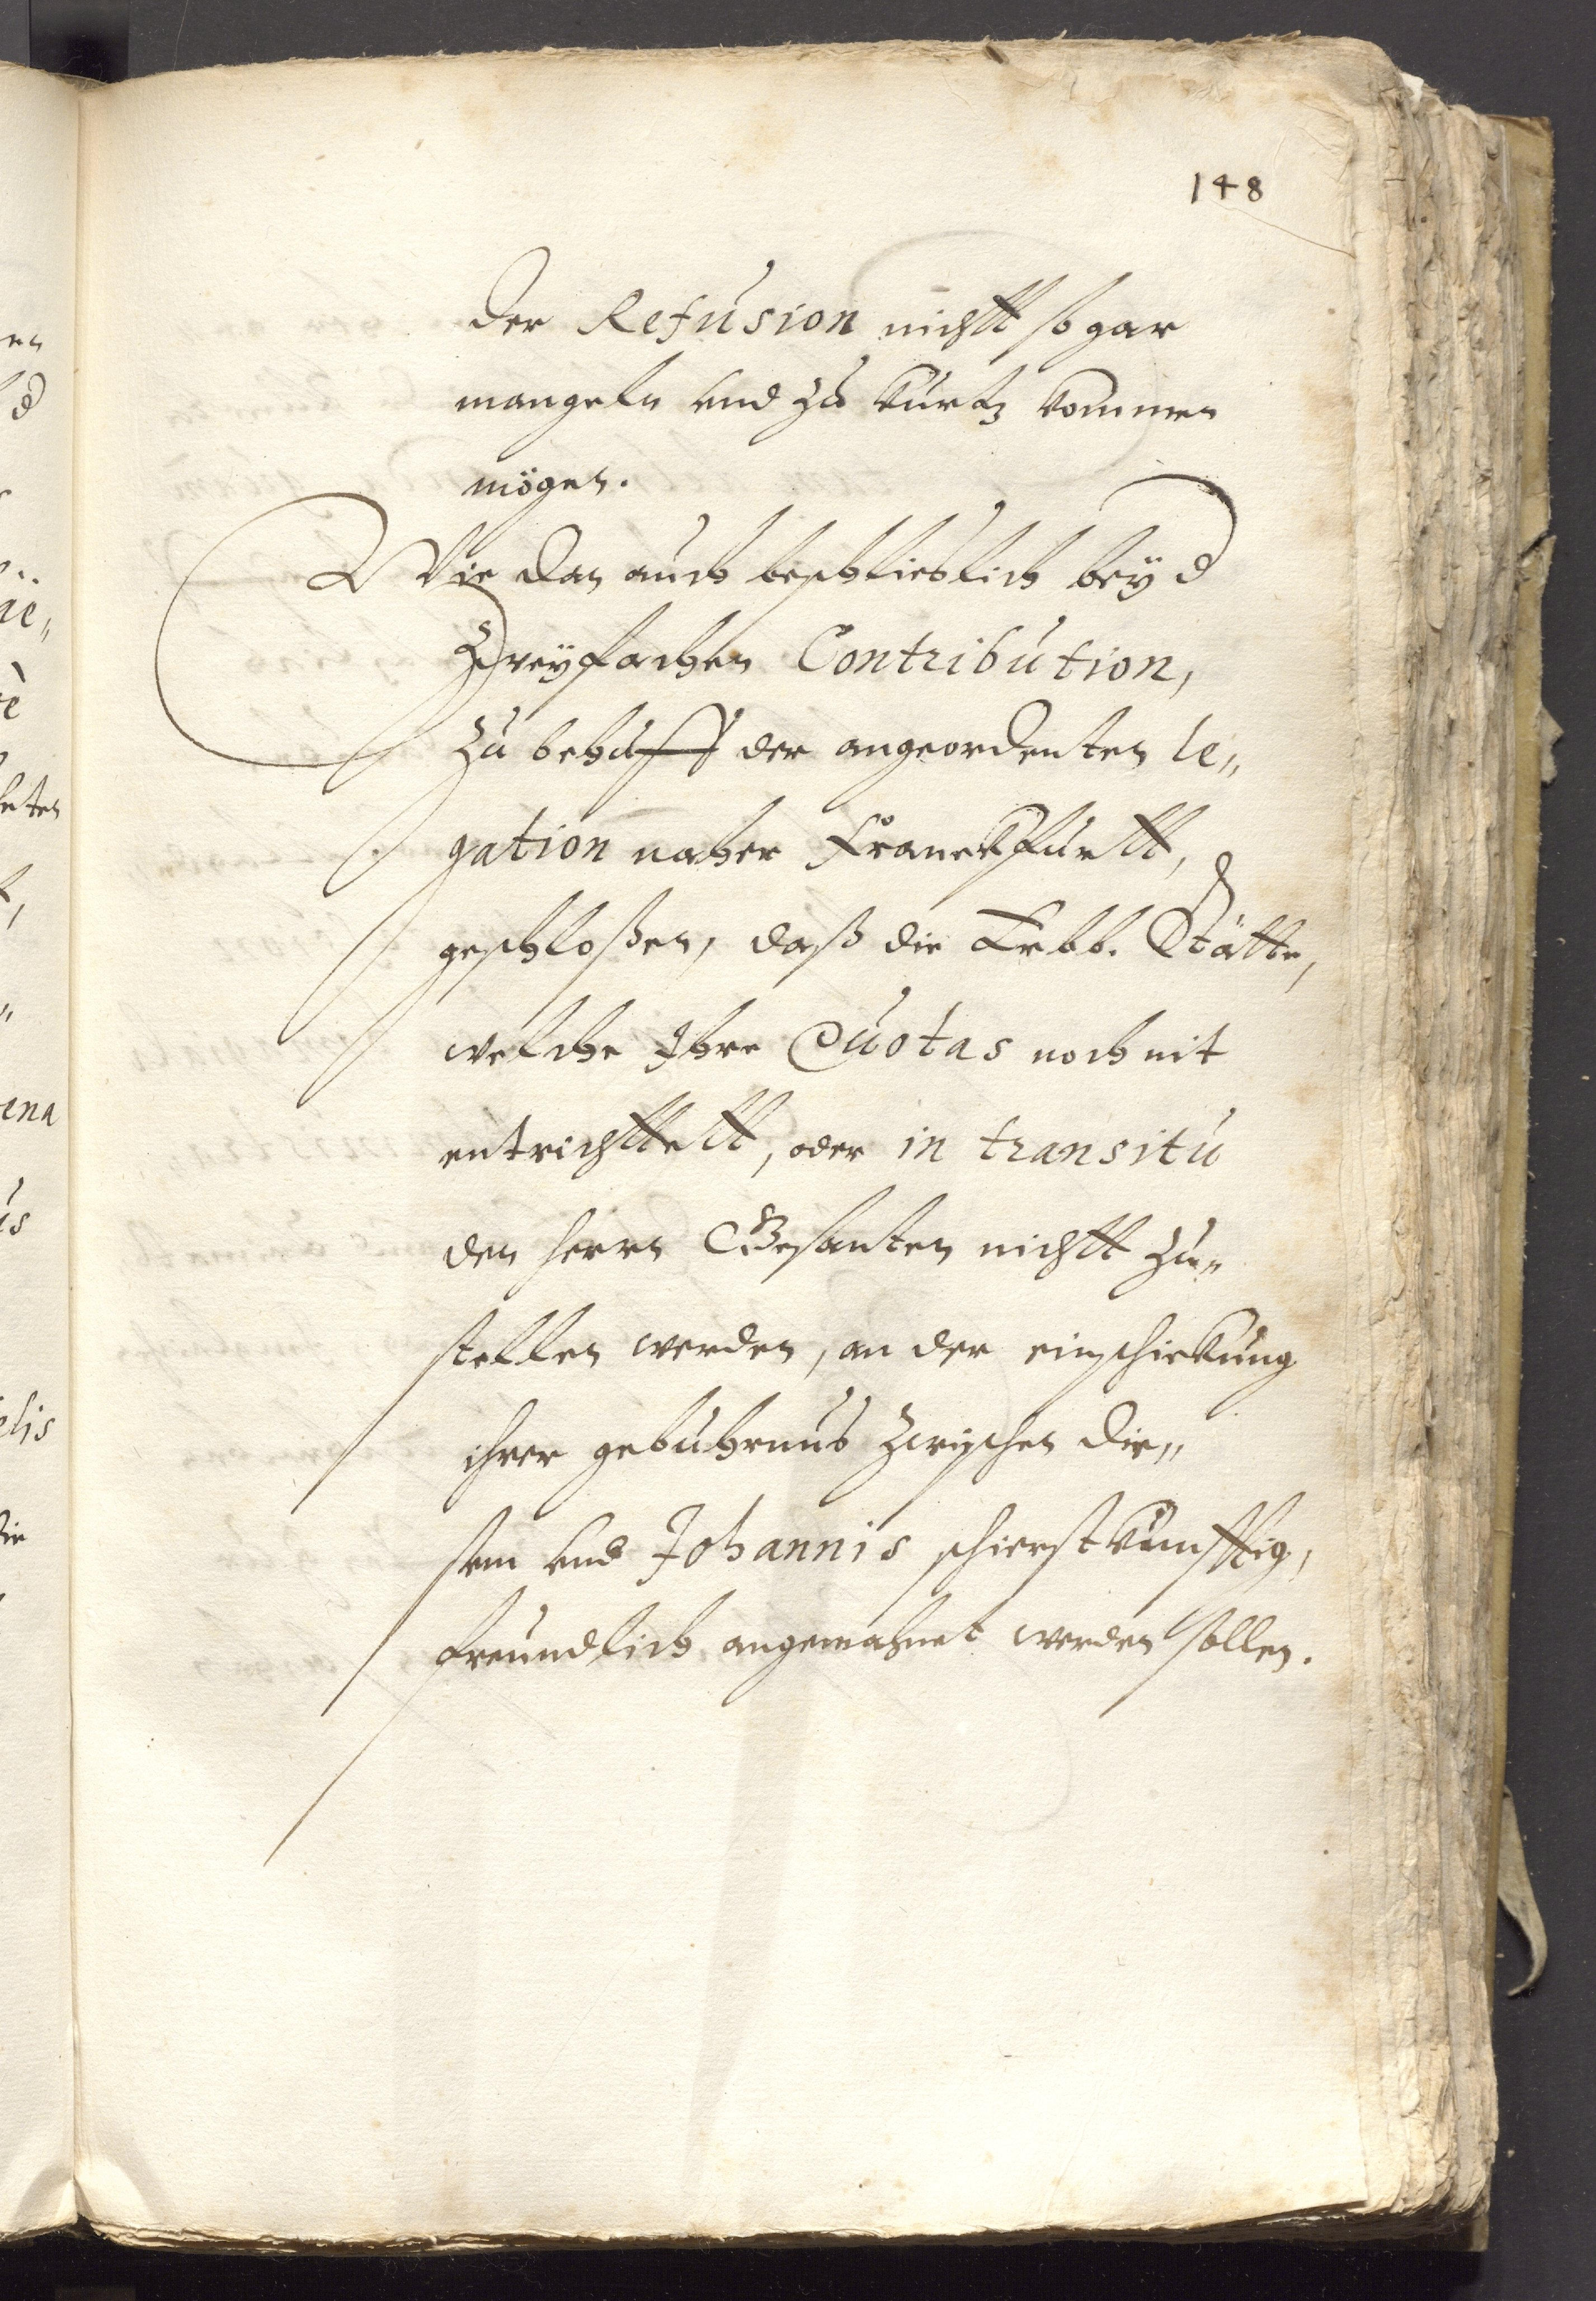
148
der Refusion nichtt sogar
mangeln vnd zu kurtz kommen
mögen.
Wie dan auch beschlieslich beij der
zweijfachen Contribution,
zu behuff der angeordenten le¬
gation naher Franckfurtt,
geschloßen, daß die Erbb. Stätte,
welche Ihre cuotas noch nit
entrichttett, oder in transitu
den herrn Gesanten nichtt zu¬
stellen werden, an der einschickung
ihrer gebuhrnus zwischen die¬
sen vnd Johannis schierstkunftig,
freundlich angemahnet werden sollen.
